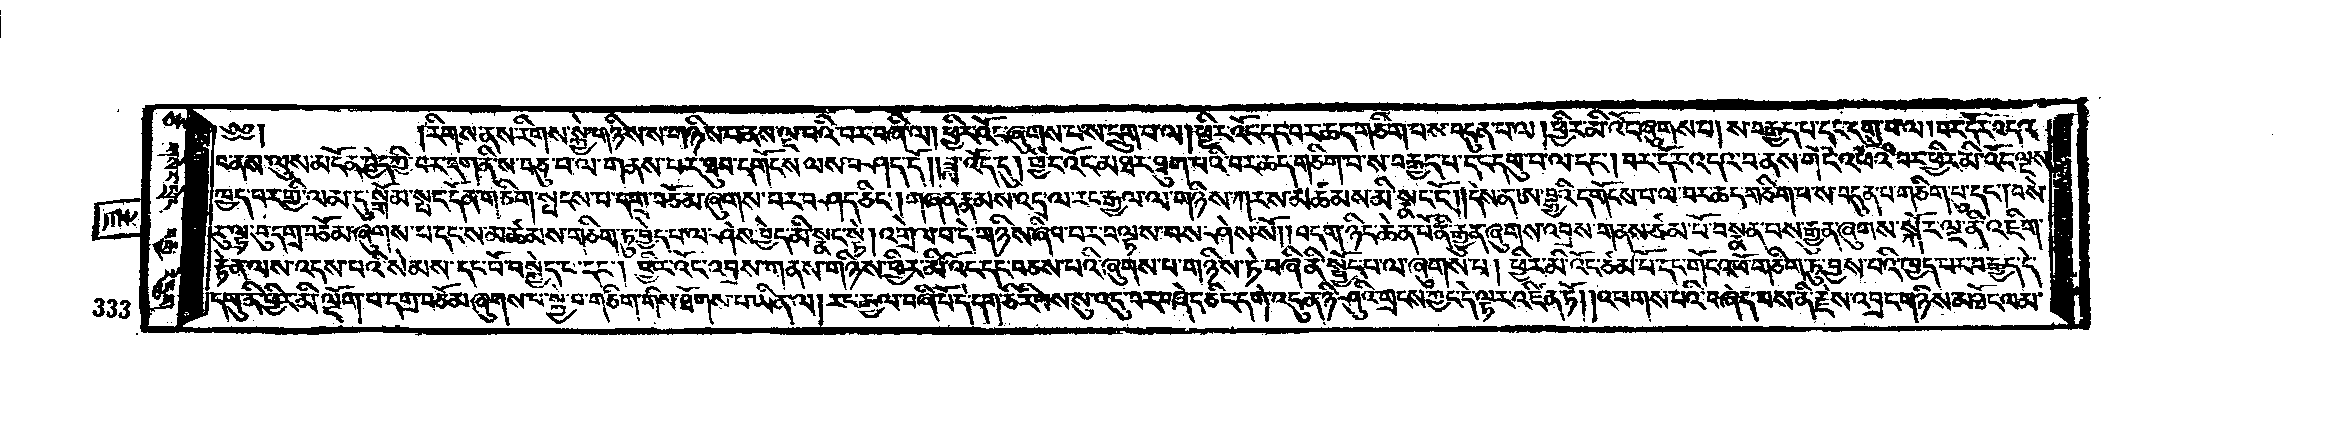༄༅། །རིགས་ནས་རིགས་སྐྱེ་གཉིས་ས་གཉིས་པ་ནས་ལྔ་པའི་བར་བཞི་ལ། ཕྱིར་འོང་ཞུགས་པ་ས་དྲུག་པ་ལ། ཕྱིར་འོང་དང་བར་ཆད་གཅིག་པས་བདུན་པ་ལ། ཕྱིར་མི་འོང་ཞུགས་པ། ས་བརྒྱད་པ་དང་དགུ་པ་ལ། བར་དོར་འདའ་
བ་ནས་ལུས་མངོན་བྱེད་ཀྱི་བར་དག་ནི་ས་བཅུ་པ་ལ་གནས་པར་ཐུབ་དགོངས་ལས་བཤད་དོ། །ཟླ་འོད་དུ། ཕྱིར་འོང་མཐར་ཐུག་པའི་བར་ཆད་གཅིག་པ་ས་བརྒྱད་པ་དང་དགུ་པ་ལ་དང་། བར་དོར་འདའ་བ་ནས་གོང་འཕོའི་བར་ཕྱིར་མི་འོང་ལྔས་
ཁྱད་པར་གྱི་ལམ་དུ་སྒོམ་སྤང་དོན་གཅིག་སྤངས་པ་དགྲ་བཅོམ་ཞུགས་པར་བཤད་ཅིང་། གཞན་རྣམས་འདྲ་ལ་རང་རྒྱལ་ལ་གཉིས་ཀར་ས་མཚམས་མི་སྣང་ངོ། །དེས་ན་ཨ་བྷྱའི་དགོངས་པ་ལ་བར་ཆད་གཅིག་པ་ས་བདུན་པ་གཅིག་པུ་དང་། བསེ་
རུ་ལྟ་བུ་དགྲ་བཅོམ་ཞུགས་པ་དང་ས་མཚམས་གཅིག་ཏུ་བྱེད་པ་ལ་ཤེས་བྱེད་མི་སྣང་སྟེ། འགྲེལ་པ་དེ་གཉིས་ཞིབ་པར་བལྟས་པས་ཤེས་སོ། །བདག་ཉིད་ཆེན་པོ་ནི་རྒྱུན་ཞུགས་འབྲས་གནས་ཙམ་པོ་བསྣན་པས་རྒྱུན་ཞུགས་སྐོར་ལྔ་ནི་འཇིག་
རྟེན་ལས་འདས་པའི་སེམས་དང་པོ་བསྐྱེད་པ་དང་། ཕྱིར་འོང་འབྲས་གནས་གཉིས་ཕྱིར་མི་འོང་དང་བཅས་པའི་ཞུགས་པ་གཉིས་ཏེ་བཞི་ནི་སྤྱོད་པ་ལ་ཞུགས་པ། ཕྱིར་མི་འོང་ཙམ་པོ་དང་གོང་འཕོ་གཅིག་ཏུ་བྱས་པའི་ཁྱད་པར་བརྒྱད་དེ་
དགུ་ནི་ཕྱིར་མི་ལྡོག་པ་དགྲ་བཅོམ་ཞུགས་པ་སྐྱེ་བ་གཅིག་གིས་ཐོགས་པ་ཡིན་ལ། རང་རྒྱལ་བཞི་པོ་དེ་དག་ཅི་རིགས་སུ་འདུ་བར་བཞེད་ཅིང་དགེ་འདུན་ཉི་ཤུའི་གྲངས་ཀྱང་དེ་ལྟར་འཛིན་ཏོ། །འཕགས་པའི་བཞེད་པས་ནི་རྗེས་འབྲང་གཉིས་མཐོང་ལམ་